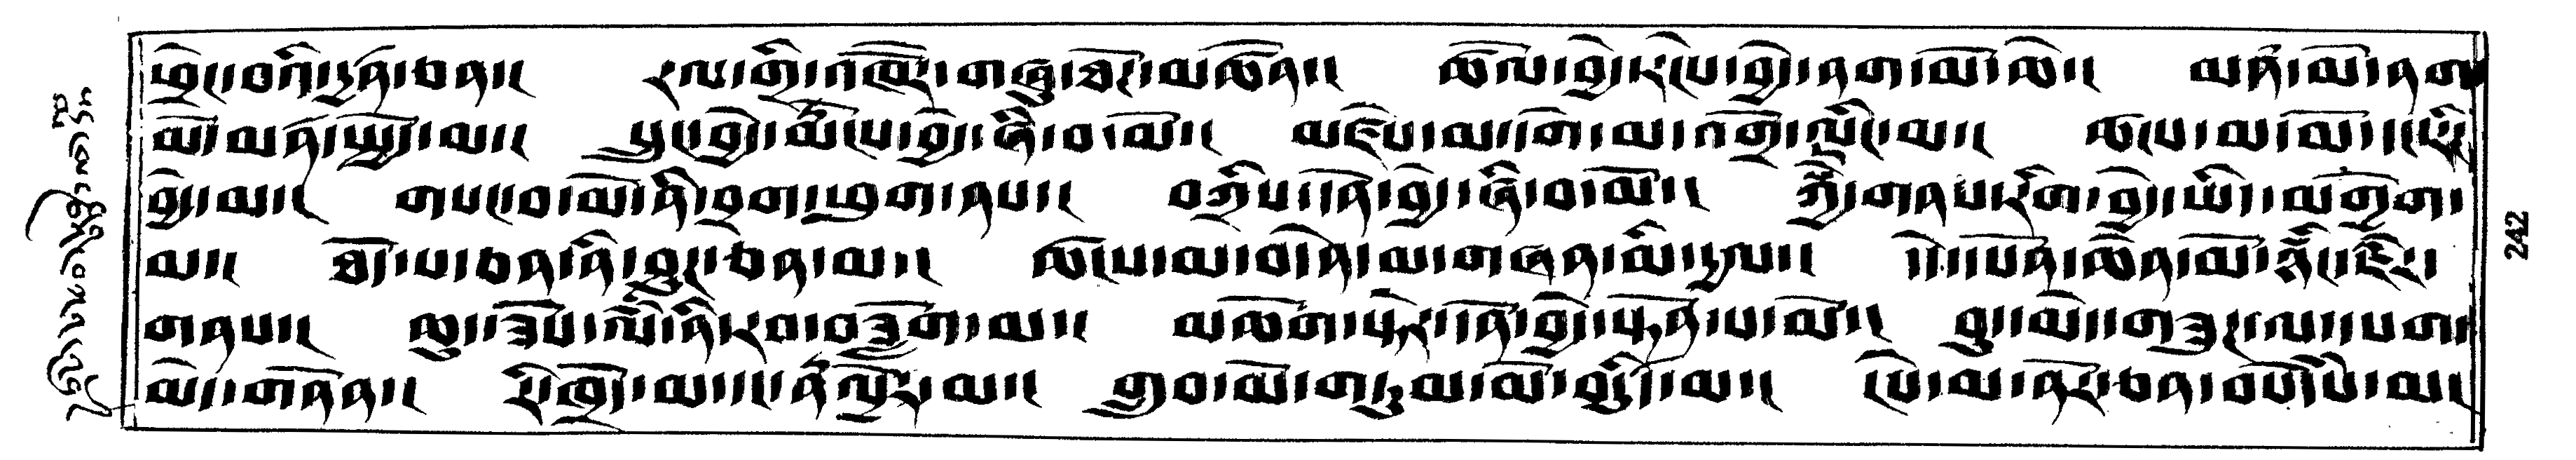ཕྲེང་བའི་རྒྱལ་མཚན་ཅན། །རལ་གྲི་འཁོར་ལོ་གཞུ་ཐོགས་མཚོན། །ཚོལ་བྱེད་རེངས་བྱེད་ནག་མོ་ཆེ། །མཚན་མོ་ནག་
མོ་མཚན་སྤྱོད་མ། །སྲུང་བྱེད་རྨོངས་བྱེད་ཞི་བ་མོ། མཛེས་མ་དགེ་མ་འགྲོ་ལྡིང་མ། །ཚངས་པ་མོ་དང་རིག་
བྱེད་མ། །གསང་བ་མོ་ནི་བྲག་ཕུག་གནས། །བཀྲ་ཤིས་དོན་བྱེད་ཞི་བ་མོ། །སྐྱེ་གནས་རིག་བྱེད་ཡིད་མགྱོགས་
མ། །ཐོད་པ་ཅན་ནི་ཤུགས་ཅན་མ། །ཚངས་མ་བདེན་མ་གཞན་མི་རྒྱལ། །དེད་དཔོན་ཆེན་མོ་སྙིང་རྗེར་
གནས། །ཆུ་ཟོས་ལམ་ནི་རབ་བཟློག་མ། །མཆོག་སྟེར་དོན་བྱེད་སྟོན་པ་མོ། །བུད་མེད་གཟུགསལ་དཔག་
མེད་གནོན། །རི་ཁྲོད་མ་དང་རྣལ་འབྱོར་མ། །གྲུབ་མོ་གཏུམ་མོ་བདུད་རྩི་མ། །ངེས་མ་ནོར་ཅན་བསོད་ནམས་མ། །